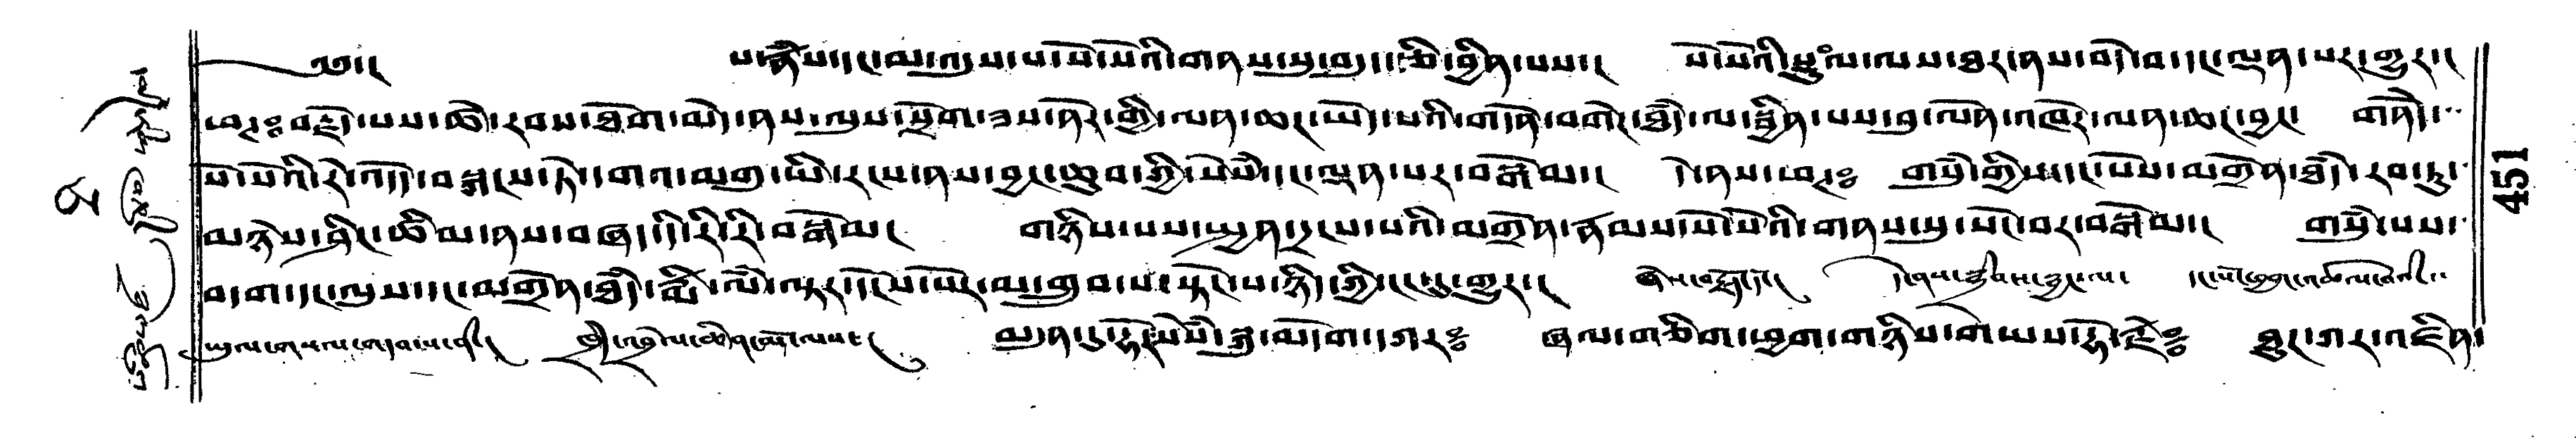པ་རྣམས་དང་མ་འདུས་པ་སོ་སོའི་གནས་སུ་བདུད་རྩི་བྱིན་པས། སོ་སོའི་སྡུག་བསྔལ་ལས་ཐར་ནས་བདེ་བ་དང་ལྡན་པར་གྱུར། 
ཕཊཿ བརྗོད་པས་ཚེ་རབས་ཐོག་མེད་ནས་ལུས་སྲོག་ཟས་ནོར་གྱི་ལན་ཆགས་ཡོད་པའི་གདོན་བགེགས་ཐམས་ཅད་ལ་སྦྱིན་པས་བུ་ལོན་འཁོར། ལན་ཆགས་བྱང་། གནོད་བྱེད་
སོ་སོའི་རེ་འདོད་བསྐངས་ཏེ་དགའ་མགུ་ཡི་རངས་ནས་བྱང་ཆུབ་ཀྱི་སེམས་དང་ལྡན་པར་བསྒོམ། དེ་ནས། ཕཊཿགསུམ་གྱིས་དང་པོས་མགྲོན་ཐམས་ཅད་རབ་ཏུ་
མཉེས་ཤིང་ཚིམ་ནས་བཞད་གད་དི་རི་རི་བསྒོམ། གཉིས་པས་སྤྱན་དྲངས་པའི་མགྲོན་རྣམས་སོ་སོའི་གནས་སུ་སོང་བར་བསྒོམ། གསུམ་པས་
བདག་དང་ལུས་དང་མགྲོན་ཐམས་ཅད་རྨི་ལམ་ལྟར་དངོས་པོར་མ་གྲུབ་པ་སྟོང་པ་ཉིད་ཀྱི་ངང་དུ་གྱུར། ཅེས་བརྗོད་དོ། དེ་ནས་སྒྲིབ་སྦྱོང་ལ། དང་པོ་ཕྱག་འཚལ་བའི་
ཡུལ་གསལ་གདབ་པ་ནི། ཁྲིད་འབྲེལ་ཆེན་མོ་ལས། མདུན་དུ་རྡོར་སེམས་སྐུ་མདོག་དཀར༔ ཞལ་གཅིག་ཕྱག་གཉིས་གཡས་རྡོ་རྗེ༔ ཐུགས་ཀར་འཛིན་